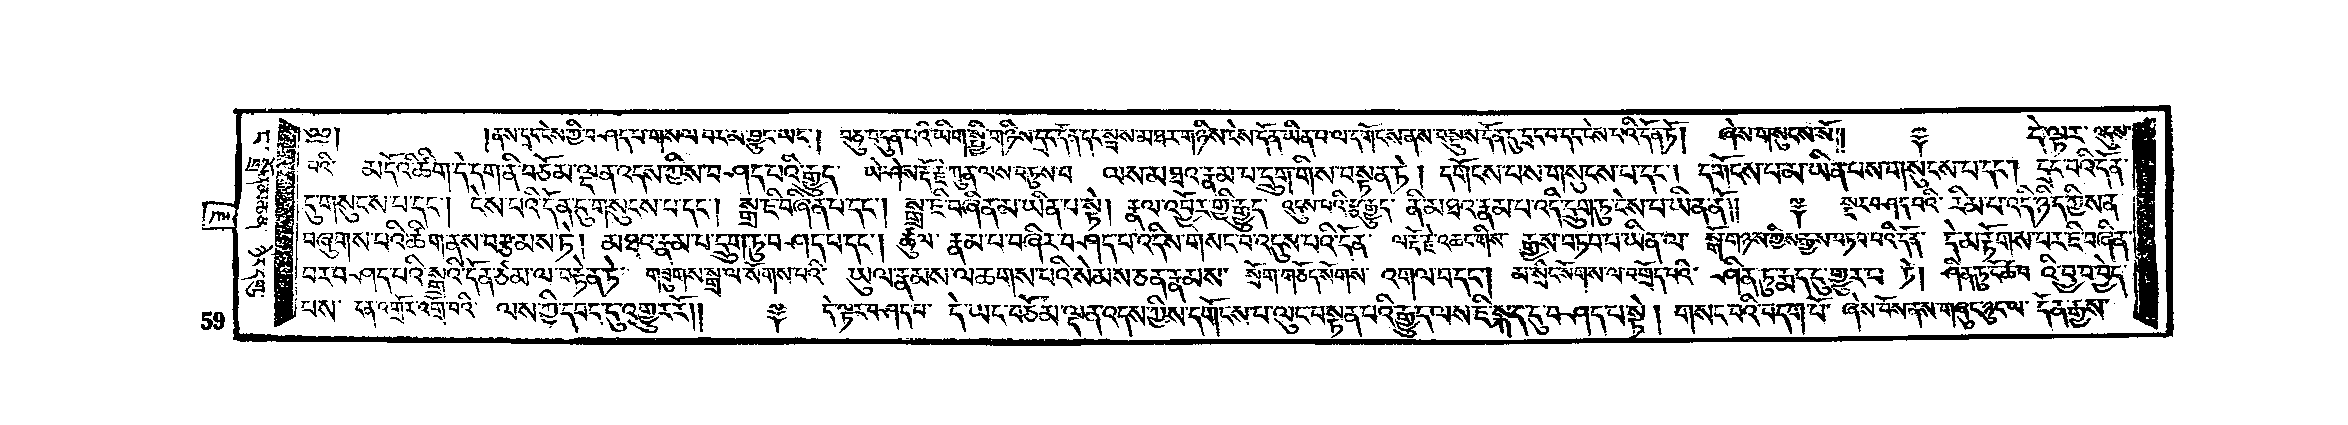༄༅། །ནས་དྲང་ངེས་ཀྱི་བཤད་པ་གསལ་བར་མ་བྱུང་ཡང་། བཅུ་བདུན་པའི་ཡིག་སྤྱི་གཉིས་དྲང་དོན་དང་སྦས་མཐར་གཉིས་ངེས་དོན་ཡིན་པ་ལ་དགོངས་ནས་བསྡུས་དོན་དུ་དྲང་བ་དང་ངེས་པའི་དོན་ཏོ། ཞེས་གསུངས་སོ།། ༈ དེ་ལྟར་འདུས་
པའི་མདོའི་ཚིག་དེ་དག་ནི་བཅོམ་ལྡན་འདས་ཀྱིས་བཤད་པའི་རྒྱུད། ཡེ་ཤེས་རྡོ་རྗེ་ཀུན་ལས་བཏུས་པ་ལས་མཐའ་རྣམ་པ་དྲུག་གིས་བསྟན་ཏེ། དགོངས་པས་གསུངས་པ་དང་། དགོངས་པ་མ་ཡིན་པས་གསུངས་པ་དང་། དྲང་བའི་དོན་
དུ་གསུངས་པ་དང་། ངེས་པའི་དོན་དུ་གསུངས་པ་དང་། སྒྲ་ཇི་བཞིན་པ་དང་། སྒྲ་ཇི་བཞིན་མ་ཡིན་པ་སྟེ། རྣལ་འབྱོར་གྱི་རྒྱུད་འདུས་པའི་རྩ་རྒྱུད་ནི་མཐའ་རྣམ་པ་འདི་དྲུག་ཏུ་ངེས་པ་ཡིན་ནོ།། ༈ སྔར་བཤད་པའི་རིམ་པ་འདི་ཉིད་ཀྱིས་ན་
བཞུགས་པའི་ཚིག་ནས་བརྩམས་ཏེ། མཐའ་རྣམ་པ་དྲུག་ཏུ་བཤད་པ་དང་། ཚུལ་རྣམ་པ་བཞིར་བཤད་པ་འདིས་གསང་བ་འདུས་པའི་དོན་ལ་རྡོ་རྗེ་འཆང་གིས།  རྒྱས་བཏབ་པ་ཡིན་ལ། སྒོ་གཉིས་ཀྱིས་རྒྱས་བཏབ་པའི་དོན། དེ་མ་རྟོགས་པར་ཇི་བཞིན་
བར་བཤད་པའི་སྒྲའི་དོན་ཙམ་ལ་བརྟེན་ཏེ། གཟུགས་སྒྲ་ལ་སོགས་པའི་ཡུལ་རྣམས་ལ་ཆགས་པའི་སེམས་ཅན་རྣམས། སྲོག་གཅོད་སོགས་འགལ་བ་དང་། མ་སྲིད་སོགས་ལ་འགྲོད་པའི་ཤིན་ཏུ་རྨད་དུ་གྱུར་པ་ཏེ། ཤིན་ཏུ་ངོ་ཚ་བའི་བྱ་བ་བྱེད་
པས་ངན་འགྲོར་འགྲོ་བའི་ལས་ཀྱི་དབང་དུ་འགྱུར་རོ།། ༈ དེ་ལྟར་བཤད་པ་དེ་ཡང་བཅོམ་ལྡན་འདས་ཀྱིས་དགོངས་པ་ལུང་བསྟན་པའི་རྒྱུད་ལས་ཇི་སྐད་དུ་བཤད་པ་སྟེ། གསང་བའི་བདག་པོ་ཞེས་བོས་ནས་གཞུང་ཉུང་ལ་དོན་རྒྱས་